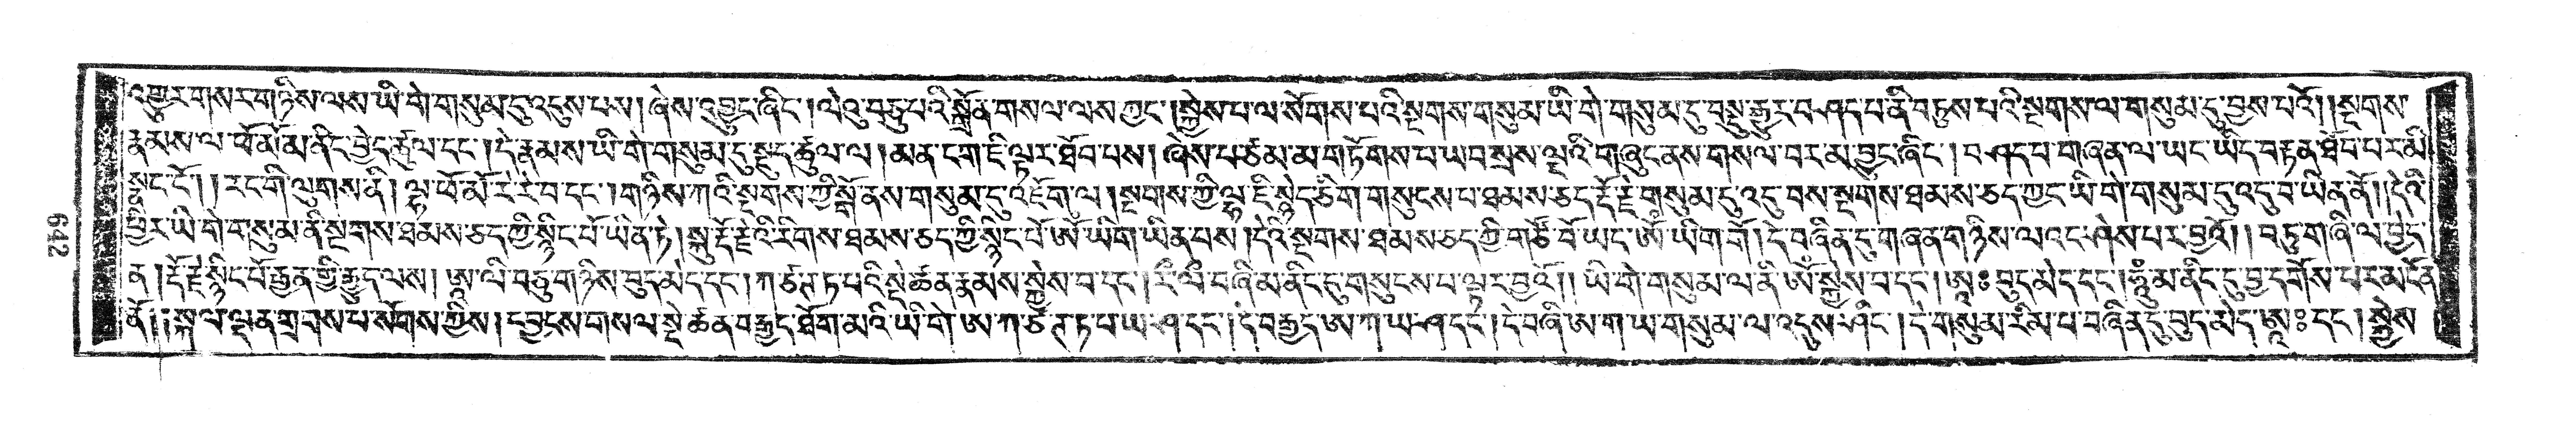འགྱུར་གསར་གཉིས་ལས་ཡི་གེ་གསུམ་དུ་འདུས་པས། ཞེས་འབྱུང་ཞིང་། ལེའུ་བཅུ་པའི་སྒྲོན་གསལ་ལས་ཀྱང་། སྐྱེས་པ་ལ་སོགས་པའི་སྔགས་གསུམ་ཡི་གེ་གསུམ་དུ་བསྡུ་རྒྱུར་བཤད་པ་ནི་བཏུས་པའི་སྔགས་ལ་གསུམ་དུ་བྱས་པའོ། །སྔགས་
རྣམས་ལ་ཕོ་མོ་མ་ནིང་བྱེད་ཚུལ་དང་། དེ་རྣམས་ཡི་གེ་གསུམ་དུ་སྡུད་ཚུལ་ལ། མན་ངག་ཇི་ལྟར་ཐོབ་པས། ཞེས་པ་ཙམ་མ་གཏོགས་པ་ཡབ་སྲས་ལྔའི་གཞུང་ནས་གསལ་བར་མ་བྱུང་ཞིང་། བཤད་པ་གཞན་ལ་ཡང་ཡིད་བརྟན་ཐོབ་པར་མི་
སྣང་ངོ། །རང་གི་ལུགས་ནི། ལྷ་ཕོ་མོ་རེ་རེ་བ་དང་། གཉིས་ཀའི་སྔགས་ཀྱི་སྒོ་ནས་གསུམ་དུ་འཇོག་ལ། སྔགས་ཀྱི་ལྷ་ཇི་སྙེད་ཅིག་གསུངས་པ་ཐམས་ཅད་རྡོ་རྗེ་གསུམ་དུ་འདུ་བས་སྔགས་ཐམས་ཅད་ཀྱང་ཡི་གེ་གསུམ་དུ་འདུ་བ་ཡིན་ནོ། །དེའི་
ཕྱིར་ཡི་གེ་གསུམ་ནི་སྔགས་ཐམས་ཅད་ཀྱི་སྙིང་པོ་ཡིན་ཏེ། སྐུ་རྡོ་རྗེའི་རིགས་ཐམས་ཅད་ཀྱི་སྙིང་པོ་ཨོཾ་ཡིག་ཡིན་པས། དེའི་སྔགས་ཐམས་ཅད་ཀྱི་གཙོ་བོ་ཡང་ཨོཾ་ཡིག་གོ །དེ་བཞིན་དུ་གཞན་གཉིས་ལའང་ཤེས་པར་བྱའོ། །བཏུ་གཞི་ལ་བྱེད་
ན། རྡོ་རྗེ་སྙིང་པོ་རྒྱན་གྱི་རྒྱུད་ལས། ཨཱ་ལི་བཅུ་གཉིས་བུད་མེད་དང་། ཀ་ཙ་ཊ་ཏ་པའི་སྡེ་ཚན་རྣམས་སྐྱེས་པ་དང་། རྀ་ལྀ་བཞི་མ་ནིང་དུ་གསུངས་པ་ལྟར་བྱའོ། །ཡི་གེ་གསུམ་ལ་ནི་ཨོཾ་སྐྱེས་པ་དང་། ཨཱཿ བུད་མེད་དང་། ཧཱུཾ་མ་ནིང་དུ་བྱ་དགོས་པར་མངོན་
ནོ། །སྐལ་ལྡན་གྲགས་པ་སོགས་ཀྱིས། དབྱངས་གསལ་སྡེ་ཚན་བརྒྱད་ཐོག་མའི་ཡི་གེ་ཨ་ཀ་ཙ་ཊ་ཏ་པ་ཡ་ཤ་དང་། དེ་བརྒྱད་ཨ་ཀ་ཡ་ཤ་དང་། དེ་བཞི་ཨ་ཀ་ཡ་གསུམ་ལ་འདུས་ཤིང་། །དེ་གསུམ་རིམ་པ་བཞིན་དུ་བུད་མེད་ཨཱཿ དང་། སྐྱེས་